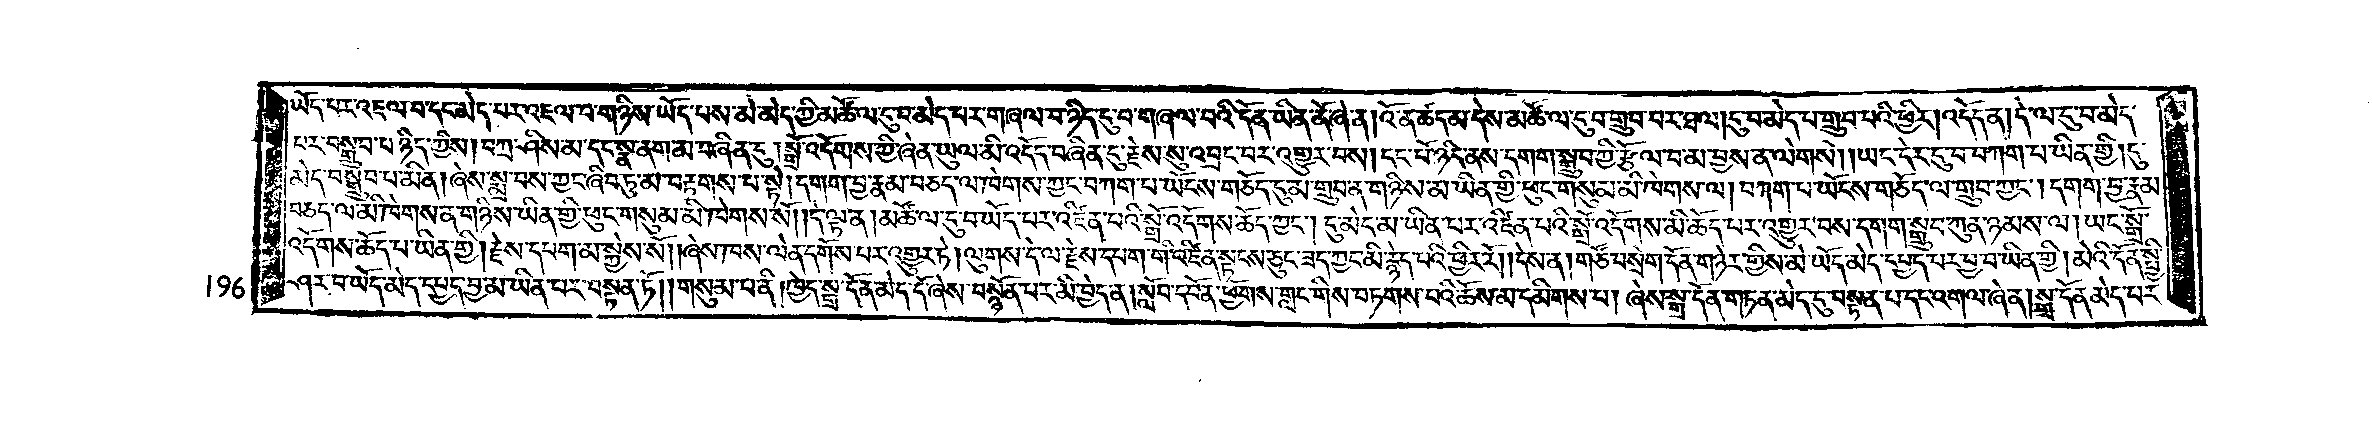ཡོད་པར་འཇལ་བ་དང་མེད་པར་འཇལ་བ་གཉིས་ཡོད་པས་མེ་མེད་ཀྱི་མཚོ་ལ་དུ་བ་མེད་པར་གཞལ་བ་ཉིད་དུ་བ་གཞལ་བའི་དོན་ཡིན་ནོ་ཞེ་ན། འོ་ན་ཚད་མ་དེས་མཚོ་ལ་དུ་བ་གྲུབ་པར་ཐལ། དུ་བ་མེད་པ་གྲུབ་པའི་ཕྱིར། འདོད་ན། དེ་ལ་དུ་བ་མེད་
པར་བསྒྲུབ་པ་ཉིད་ཀྱིས། བཀྲ་ཤིས་མ་དང་སྣ་ནག་མ་བཞིན་དུ་།སྒྲོ་འདོགས་ཀྱི་ཞེན་ཡུལ་མི་འདོད་བཞིན་དུ་རྗེས་སུ་འབྲང་བར་འགྱུར་བས། དང་པོ་ཉིད་ནས་དགག་སྒྲུབ་ཀྱི་རྩོལ་བ་མ་བྱས་ན་ལེགས་སོ། །ཡང་དེར་དུ་བ་བཀག་པ་ཡིན་གྱི། དུ་
མེད་བསྒྲུབ་པ་མིན། ཞེས་སྨྲ་བས་ཀྱང་ཞིབ་ཏུ་མ་བརྟགས་པ་སྟེ། དགག་བྱ་རྣམ་བཅད་ལ་ཁེགས་ཀྱང་བཀག་པ་ཡོངས་གཅོད་དུ་མ་གྲུབ་ན་གཉིས་མ་ཡིན་གྱི་ཕུང་གསུམ་མི་ཁེགས་ལ། བཀག་པ་ཡོངས་གཅོད་ལ་གྲུབ་ཀྱང་། དགག་བྱ་རྣམ་
བཅད་ལ་མི་ཁེགས་ན་གཉིས་ཡིན་གྱི་ཕུང་གསུམ་མི་ཁེགས་སོ། །དེ་ལྟ་ན། མཚེ་ལ་དུ་བ་ཡོད་པར་འཛིན་པའི་སྒྲོ་འདོགས་ཆོད་ཀྱང་། དུ་མེད་མ་ཡིན་པར་འཛིན་པའི་སྒྲོ་འདོགས་མི་ཆོད་པར་འགྱུར་བས་དགག་སྒྲུབ་ཀུན་ཉམས་ལ། ཡང་སྒྲོ་
འདོགས་ཆོད་པ་ཡིན་གྱི། རྗེས་དཔག་མ་སྐྱེས་སོ། །ཞེས་ཁས་ལེན་དགོས་པར་འགྱུར་ཏེ། ལུགས་དེ་ལ་རྗེས་དཔག་གི་འཛིན་སྟངས་ཅུང་ཟད་ཀྱང་མི་རྙེད་པའི་ཕྱིར་རོ། །དེས་ན། གཙོ་བསྲེག་དོན་གཉེར་གྱིས་མེ་ཡོད་མེད་དཔྱད་པར་བྱ་བ་ཡིན་གྱི། མེའི་དོན་སྤྱི་
ཤར་བ་ཡོད་མེད་དཔྱད་བྱ་མ་ཡིན་པར་བསྟན་ཏོ། །གསུམ་པ་ནི། ཁྱེད་སྒྲ་དོན་མེད་དོ་ཞེས་བསྙོན་པར་མི་བྱེད་ན། སློབ་དཔོན་ཕྱོགས་གླང་གིས་བཏགས་པའི་ཆོས་མ་དམིགས་པ། ཞེས་སྒྲ་དོན་གཏན་མེད་དུ་བསྟན་པ་དང་འགལ་ཞེ་ན། སྒྲ་དོན་མེད་པར་